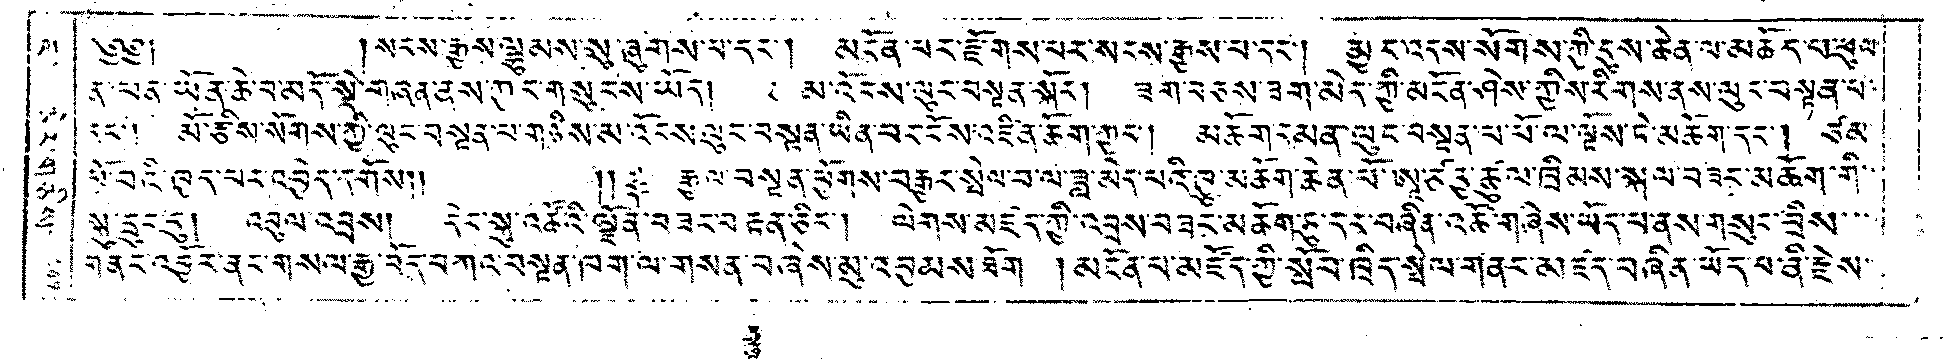༄༅། །སངས་རྒྱས་ལྷུམས་སུ་ཞུགས་པ་དང་། མངོན་པར་རྫོགས་པར་སངས་རྒྱས་པ་དང་། མྱང་འདས་སོགས་ཀྱི་དུས་ཆེན་ལ་མཆོད་པ་ཕུལ་
ན་ཕན་ཡོན་ཆེ་བ་མདོ་སྡེ་གཞན་ནས་ཀྱང་གསུངས་ཡོད། ༈ མ་འོངས་ལུང་བསྟན་སྐོར། ཟག་བཅས་ཟག་མེད་ཀྱི་མངོན་ཤེས་ཀྱིས་རིགས་ནས་ལུང་བསྟན་པ་
དང་། མོ་རྩིས་སོགས་ཀྱི་ལུང་བསྟན་པ་གཉིས་མ་འོངས་ལུང་བསྟན་ཡིན་པར་ངོས་འཛིན་ཆོག་ཀྱང་། མཆོག་དམན་ལུང་བསྟན་པ་པོ་ལ་ལྟོས་ཏེ་མཆོག་དང་། ཙམ་
པོ་བའི་ཁྱད་པར་འབྱེད་དགོས།། །། ༈ རྒྱལ་བསྟན་ཕྱོགས་བརྒྱར་སྤེལ་བ་ལ་ཟླ་མེད་པའི་ཁྱུ་མཆོག་ཆེན་པོ་ཨཱ་ཙྲྱ་ཚུལ་ཁྲིམས་སྐལ་བཟང་མཆོག་གི་སྐུ་དྲུང་དུ། འབུལ་འབྲས། དེང་སྐུ་འཚོའི་ལྗོན་བཟང་བརྟན་ཅིང་། ལེགས་མཛད་ཀྱི་འབྲས་བཟང་མཆོག་ཏུ་དར་བཞིན་འཚོ་གཞེས་ཡོད་པ་ནས་གསུང་བྲིས་
གནང་འབྱོར་ནང་གསལ་རྒྱ་བོད་བཀའ་བསྟན་ཁག་ལ་གསན་བཞེས་མུ་འབྱམས་ཐོག །མངོན་པ་མཛོད་ཀྱི་སློབ་ཁྲིད་སྤེལ་གནང་མཛད་བཞིན་ཡོད་པ་ནི་རྗེས་